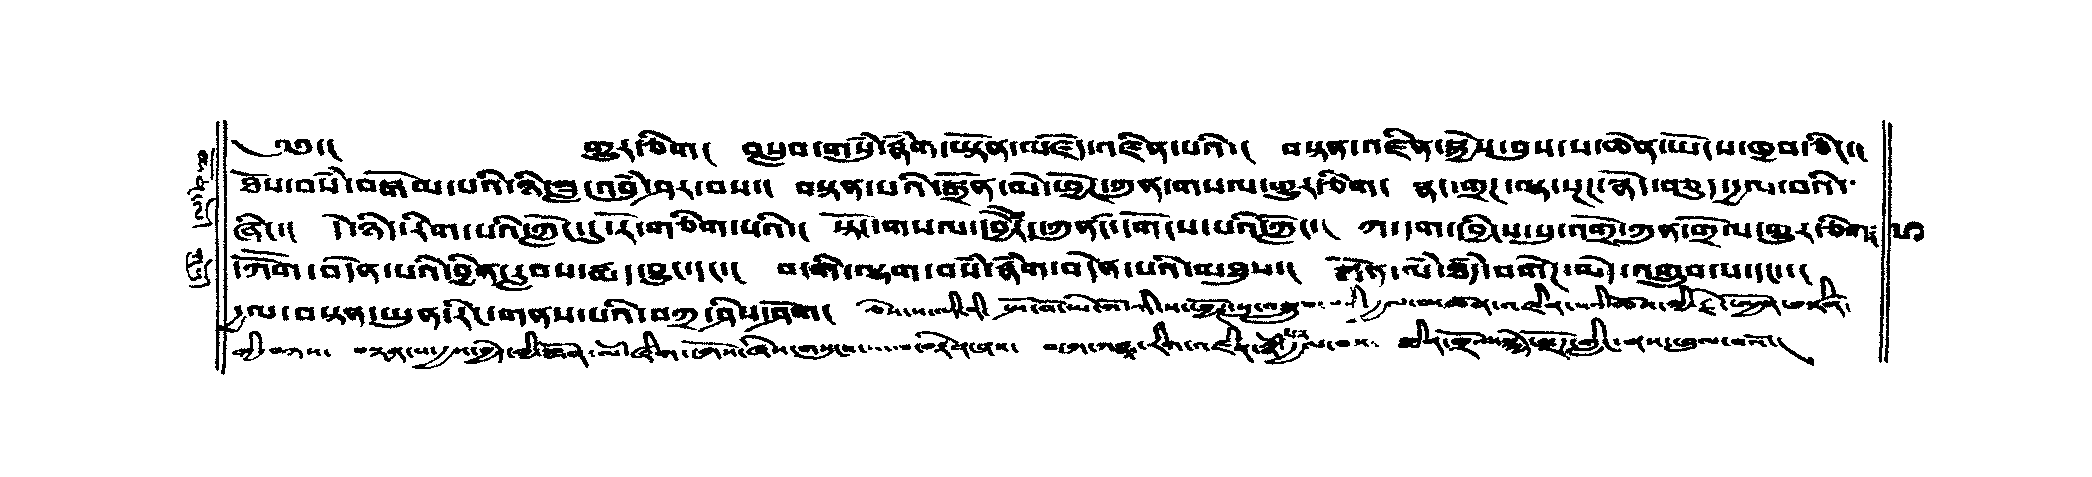གྱུར་ཅིག །བསླབ་གསུམ་རྣམ་དག་ཡོན་ཏན་མཛོད་འཛིན་པའི། །བསྟན་འཛིན་སྐྱེས་བུས་ས་ཆེན་ཡོངས་ཁྱབ་ཅིང་། །
ཐོས་བསམ་བསྒོམ་པའི་ཉི་ཟླ་འབུམ་ཤར་བས། །བསྟན་པའི་སྒྲོན་མེ་ཕྱོགས་ཀུན་གསལ་གྱུར་ཅིག །སྣང་གྲགས་ལྷ་སྔགས་སྣོད་བཅུད་རྒྱལ་བའི་
ཞིང་། །དེ་ཉིད་རིག་པའི་ཀློང་དུ་རོ་གཅིག་པའི། །སྟོང་གསལ་དབྱེར་མེད་ཀུན་བཟང་དགོངས་པའི་ཀློང་། །ཀ་དག་དབྱིངས་སུ་འགྲོ་ཀུན་གྲོལ་གྱུར་ཅིག །
དཀོན་མཆོག་བདེན་པའི་ཕྱིན་རླབས་རྨད་བྱུང་དང་། །བདག་གི་ལྷག་བསམ་རྣམ་དག་བདེན་པའི་མཐུས། །སྨོན་ལམ་ཐམས་ཅད་བགེགས་མེད་འགྲུབ་པ་དང་། 
རྒྱལ་བསྟན་ཡུན་རིང་གནས་པའི་བཀྲ་ཤིས་ཤོག། ཅེས་པ་འདི་ནི་སྤོ་བོ་ཡིད་འོང་གི་ས་ཕྱོགས་སུ་བསྒྲུབ་པའི་རྒྱལ་མཚན་འཛིན་པའི་ཆོས་ཀྱི་རྗེ་ཨོ་རྒྱན་བསྟན་འཛིན་
གྱི་བཀས། བསྟན་པ་རྒྱས་བྱེད་ཀྱི་སྨོན་ལམ་ཞིག་དགོས་ཞེས་གསུངས་པ་ལ་བརྟེན་ནས། བདག་ཀརྨ་རིག་འཛིན་རྣམ་པར་རྒྱལ་བས། སྨིན་གྲོལ་བསྐྱེད་རྫོགས་གླིང་ནས་ཕུལ་བའོ།།